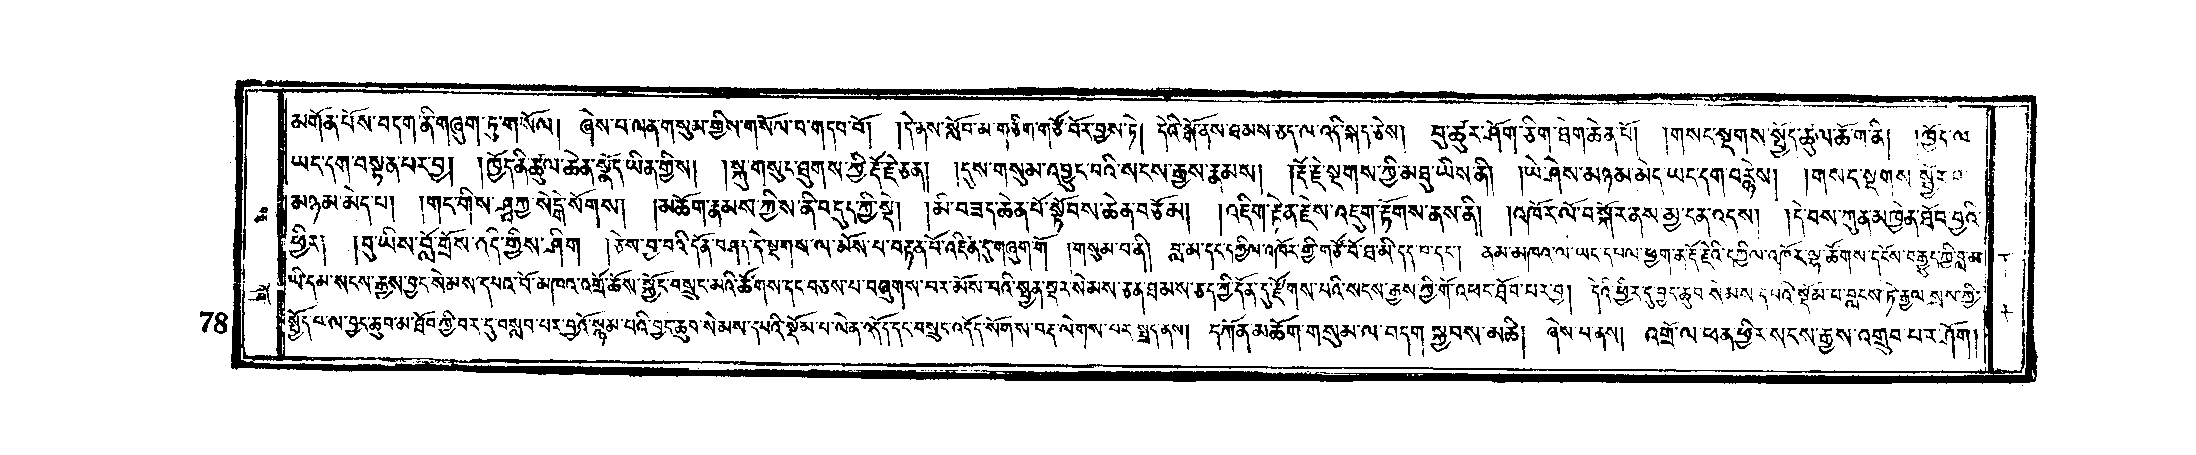མགོན་པོས་བདག་ནི་གཞུག་ཏུ་གསོལ། ཞེས་པ་ལན་གསུམ་གྱིས་གསོལ་བ་གདབ་བོ། །དེ་ནས་སློབ་མ་གཅིག་གཙོ་བོར་བྱས་ཏེ། དེའི་སྒོ་ནས་ཐམས་ཅད་ལ་འདི་སྐད་ཅེས། བུ་ཚུར་ཤོག་ཅིག་ཐེག་ཆེན་པོ། །གསང་སྔགས་སྤྱོད་ཚུལ་ཆོ་ག་ནི། །ཁྱོད་ལ་
ཡང་དག་བསྟན་པར་བྱ། །ཁྱོད་ནི་ཚུལ་ཆེན་སྣོད་ཡིན་གྱིས། །སྐུ་གསུང་ཐུགས་ཀྱི་རྡོ་རྗེ་ཅན། །དུས་གསུམ་འབྱུང་བའི་སངས་རྒྱས་རྣམས། །རྡོ་རྗེ་སྔགས་ཀྱི་མཐུ་ཡིས་ནི། །ཡེ་ཤེས་མཉམ་མེད་ཡང་དག་བརྙེས། །གསང་སྔགས་སྦྱོར་བ་
མཉམ་མེད་པ། །གང་གིས་ཤཱཀྱ་སེངྒེ་སོགས། །མཆོག་རྣམས་ཀྱིས་ནི་བདུད་ཀྱི་སྡེ། །མི་བཟད་ཆེན་པོ་སྟོབས་ཆེན་བཅོམ། །འཇིག་རྟེན་རྗེས་འཇུག་རྟོགས་ནས་ནི། །འཁོར་ལོ་བསྐོར་ནས་མྱ་ངན་འདས། །དེ་བས་ཀུན་མཁྱེན་ཐོབ་བྱའི་
ཕྱིར། །བུ་ཡིས་བློ་གྲོས་འདི་གྱིས་ཤིག །ཅེས་བྱ་བའི་དོན་བཤད་དེ་སྔགས་ལ་མོས་པ་བརྟན་པོ་འཛིན་དུ་གཞུག་གོ །གསུམ་པ་ནི། བླ་མ་དང་དཀྱིལ་འཁོར་གྱི་གཙོ་བོ་ཐ་མི་དད་པ་དང་། ནམ་མཁའ་ལ་ཡང་དཔལ་ཕྱག་ན་རྡོ་རྗེའི་དཀྱིལ་འཁོར་ལྷ་ཚོགས་དངོས་བརྒྱུད་ཀྱི་བླ་མ་
ཡི་དམ་སངས་རྒྱས་བྱང་སེམས་དཔའ་བོ་མཁའ་འགྲོ་ཆོས་སྐྱོང་བསྲུང་མའི་ཚོགས་དང་བཅས་པ་བཞུགས་པར་མོས་པའི་སྤྱན་སྔར་སེམས་ཅན་ཐམས་ཅད་ཀྱི་དོན་དུ་རྫོགས་པའི་སངས་རྒྱས་ཀྱི་གོ་འཕང་ཐོབ་པར་བྱ། དེའི་ཕྱིར་དུ་བྱང་ཆུབ་སེམས་དཔའི་སྡོམ་པ་བླངས་ཏེ་རྒྱལ་སྲས་ཀྱི་
སྤྱོད་པ་ལ་བྱང་ཆུབ་མ་ཐོབ་ཀྱི་བར་དུ་བསླབ་པར་བྱའོ་སྙམ་པའི་བྱང་ཆུབ་སེམས་དཔའི་སྡོམ་པ་ལེན་འདོད་དང་བསྲུང་འདོད་སོགས་བརྡ་ལེགས་པར་སྤྲད་ནས། དཀོན་མཆོག་གསུམ་ལ་བདག་སྐྱབས་མཆི། ཞེས་པ་ནས། འགྲོ་ལ་ཕན་ཕྱིར་སངས་རྒྱས་འགྲུབ་པར་ཤོག །